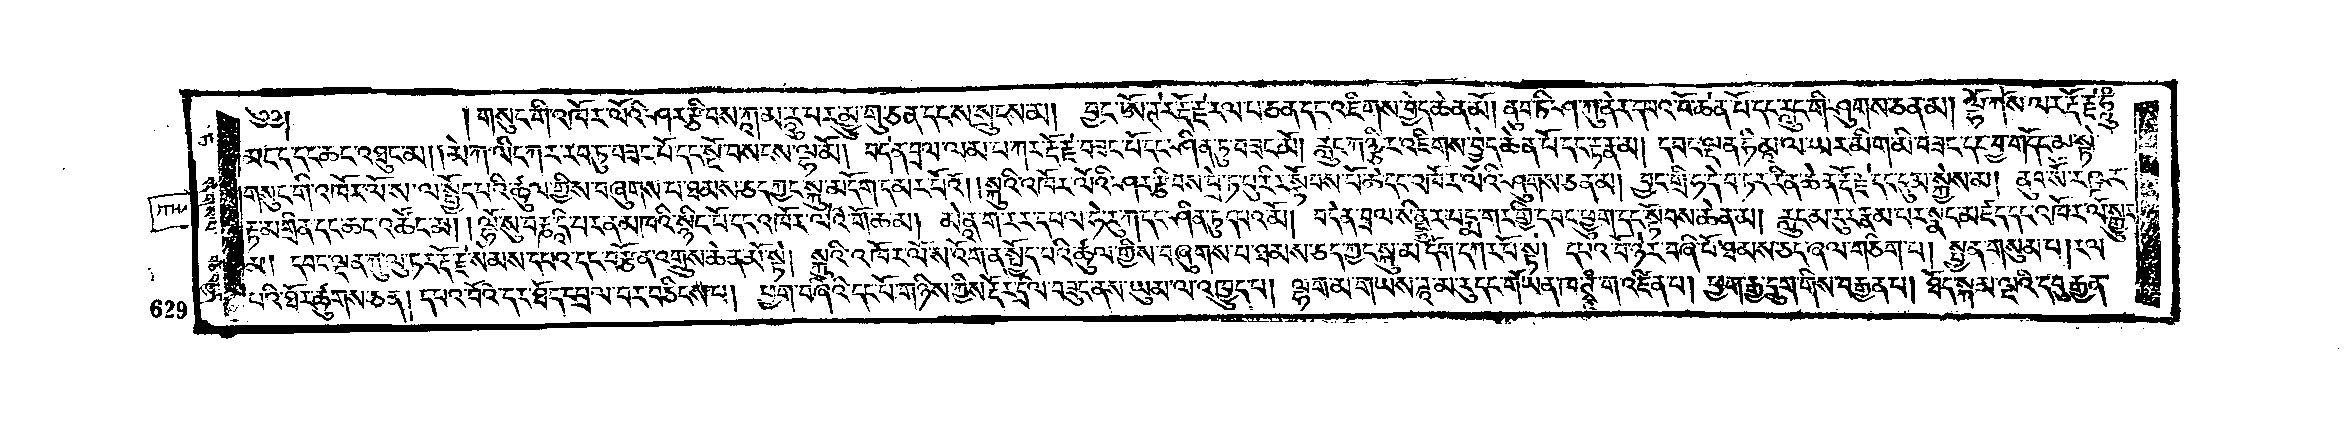༄༅། །གསུང་གི་འཁོར་ལོའི་ཤར་རྩིབས་ཀཱ་མ་རཱུ་པར་མྱུ་གུ་ཅན་དང་ས་སྲུངས་མ། བྱང་ཨོ་ཊེར་རྡོ་རྗེ་རལ་པ་ཅན་དང་འཇིགས་བྱེད་ཆེན་མོ། ནུབ་ཏི་ཤ་ཀུ་ནེར་དཔའ་བོ་ཆེན་པོ་དང་རླུང་གི་ཤུགས་ཅན་མ། ལྷོ་ཀོས་ལར་རྡོ་རྗེ་ཧཱུཾ་
མང་དེ་དང་ཆང་འཐུང་མ། །ཨེ་ཀ་ལིང་ཀར་རབ་ཏུ་བཟང་པོ་དང་སྔོ་བསངས་ལྷ་མོ། བདེན་བྲལ་ལམ་པ་དར་རྡོ་རྗེ་བཟང་པོ་དང་ཤིན་ཏུ་བཟང་མོ། རླུང་ཀཉྩིར་འཇིགས་བྱེད་ཆེན་པོ་དང་རྟ་རྣམ། དབང་ལྡན་ཧི་མཱ་ལ་ཡར་མིག་མི་བཟང་དང་བྱ་གདོང་མ་སྟེ་
གསུང་གི་འཁོར་ལོ་ས་ལ་སྤྱོད་པའི་ཚུལ་གྱིས་བཞུགས་པ་ཐམས་ཅད་ཀྱང་སྐུ་མདོག་དམར་པོའོ། །སྐུའི་འཁོར་ལོའི་ཤར་རྩིབས་པྲེ་ཏ་པུ་རིར་སྟོབས་པོ་ཆེ་དང་འཁོར་ལོའི་ཤུགས་ཅན་མ། བྱང་གྲི་ཧ་དེ་བ་ཏར་རིན་ཆེན་རྡོ་རྗེ་དང་དུམ་སྐྱེས་མ། ནུབ་སཽ་རཥྜར་
རྟ་མགྲིན་དང་ཆང་འཚོང་མ། །ལྷོ་སུ་བརྞ་དཱི་པར་ནམ་མཁའི་སྙིང་པོ་དང་འཁོར་ལོའི་གོ་ཆ་མ། མེ་ནཱ་ག་རར་དཔལ་ཧེ་རུ་ཀ་དང་ཤིན་ཏུ་དཔའ་མོ། བདེན་བྲལ་སིནྡྷུ་ར་པདམ་གར་གྱི་དབང་ཕྱུག་དང་སྟོབས་ཆེན་མ། རླུང་མ་རུར་རྣམ་པར་སྣང་མཛད་དང་འཁོར་ལོ་སྒྱུར་
མ། དབང་ལྡན་ཀུ་ལུ་ཏར་རྡོ་རྗེ་སེམས་དཔའ་དང་བརྩོན་འགྲུས་ཆེན་མོ་སྟེ། སྐུའི་འཁོར་ལོ་ས་འོག་ན་སྤྱོད་པའི་ཚུལ་གྱིས་བཞུགས་པ་ཐམས་ཅད་ཀྱང་སྐུ་མདོག་དཀར་པོ་སྟེ། དཔའ་བོ་ཉེར་བཞི་པོ་ཐམས་ཅད་ཞལ་གཅིག་པ། སྤྱན་གསུམ་པ། རལ་
པའི་ཐོར་ཚུགས་ཅན། དཔའ་བོའི་དར་ཐོད་དཔྲལ་བར་བཅིངས་པ། ཕྱག་བཞིའི་དང་པོ་གཉིས་ཀྱིས་རྡོར་དྲིལ་བཟུང་ནས་ཡུམ་ལ་འཁྱུད་པ། ལྷག་མ་གཡས་ཌཱ་མ་རུ་དང་གཡོན་ཁ་ཊྭཱཾ་ག་འཛིན་པ། ཕྱག་རྒྱ་དྲུག་གིས་བརྒྱན་པ། ཐོད་སྐམ་ལྔའི་དབུ་རྒྱན་